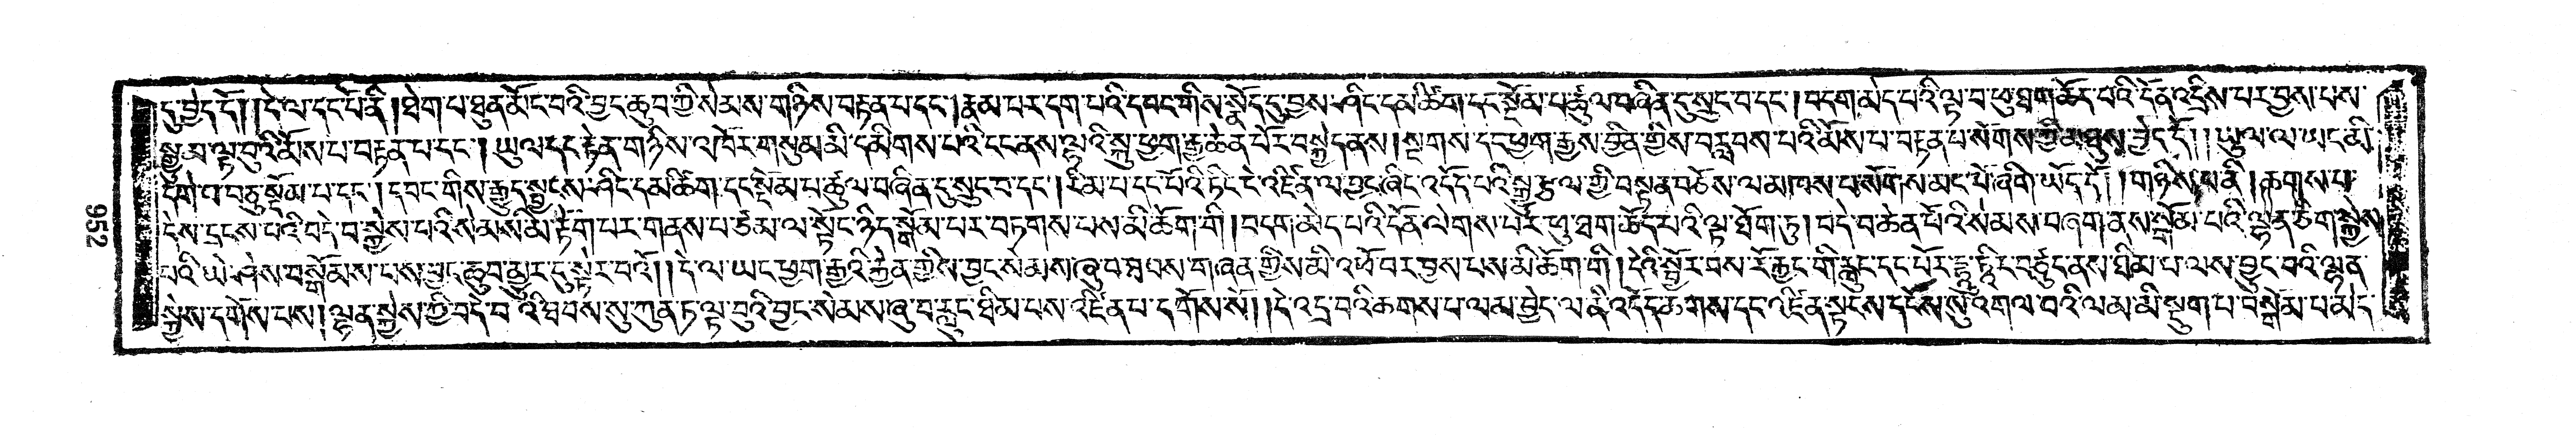དུ་བྱེད་དོ། །དེ་ལ་དང་པོ་ནི། ཐེག་པ་ཐུན་མོང་བའི་བྱང་ཆུབ་ཀྱི་སེམས་གཉིས་བརྟན་པ་དང་། རྣམ་པར་དག་པའི་དབང་གིས་སྣོད་དུ་བྱས་ཤིང་དམ་ཚིག་དང་སྡོམ་པ་ཚུལ་བཞིན་དུ་སྲུང་བ་དང་། བདག་མེད་པའི་ལྟ་བ་ཕུ་ཐག་ཆོད་པའི་དོན་འདྲིས་པར་བྱས་པས་
སྒྱུ་མ་ལྟ་བུའི་མོས་པ་བརྟན་པ་དང་། ཡུལ་དང་རྟེན་གཉིས་འཁོར་གསུམ་མི་དམིགས་པའི་ངང་ནས་ལྷའི་སྐུ་ཕྱག་རྒྱ་ཆེན་པོར་བསྐྱེད་ནས། སྔགས་དང་ཕྱག་རྒྱས་བྱིན་གྱིས་བརླབས་པའི་མོས་པ་བརྟན་པ་སོགས་ཀྱི་མཐུས་བྱེད་དོ། །ཡུལ་ལ་ཡང་མི་
དགེ་བ་བཅུ་སྡོམ་པ་དང་། དབང་གིས་རྒྱུད་སྦྱངས་ཤིང་དམ་ཚིག་དང་སྡོམ་པ་ཚུལ་བཞིན་དུ་སྲུང་བ་དང་། རིམ་པ་དང་པོའི་ཏིང་ངེ་འཛིན་ལ་བྱང་ཞིང་འདོད་པའི་སྒྱུ་རྩལ་གྱི་བསྟན་བཅོས་ལ་མཁས་པ་སོགས་མང་པོ་ཞིག་ཡོད་དོ། །གཉིས་པ་ནི། ཆགས་པ་
དེས་དྲངས་པའི་བདེ་བ་སྐྱེས་པའི་སེམས་མ་རྟོག་པར་གནས་པ་ཙམ་ལ་སྟོང་ཉིད་སྒོམ་པར་བཏགས་པས་མི་ཚིག་གི །བདག་མེད་པའི་དོན་ལེགས་པར་ཕུ་ཐག་ཆོད་པའི་ལྟ་ཐོག་ཏུ། བདེ་བ་ཆེན་པོའི་སེམས་བཞག་ནས་སྒོམ་པའི་ལྷན་ཅིག་སྐྱེས་
པའི་ཡེ་ཤེས་བསྒོམས་པས་བྱང་ཆུབ་མྱུར་དུ་སྟེར་བའོ། །དེ་ལ་ཡང་ཕྱག་རྒྱའི་རྐྱེན་གྱིས་བྱང་སེམས་ཞུ་བ་ཐབས་གཞན་གྱིས་མི་འཕོ་བར་བྱས་པས་མི་ཆོག་གི །དེའི་སྦྱོར་བས་རོ་རྐྱང་གི་རླུང་དང་པོར་དྷཱུ་ཏཱིར་བཙུད་ནས་ཐིམ་པ་ལས་བྱུང་བའི་ལྷན་
སྐྱེས་དགོས་པས། ལྷན་སྐྱེས་ཀྱི་བདེ་བའི་ཐབས་སུ་ཀུན་ཏ་ལྟ་བུའི་བྱང་སེམས་ཞུ་བ་རླུང་ཐིམ་པས་འཛིན་པ་དགོས་སོ། །དེ་འདྲ་བའི་ཆགས་པ་ལམ་བྱེད་ལ་ནི་འདོད་ཆགས་དང་འཛིན་སྟངས་དངོས་སུ་འགལ་བའི་ལམ་མི་སྡུག་པ་བསྒོམ་པ་མེད་